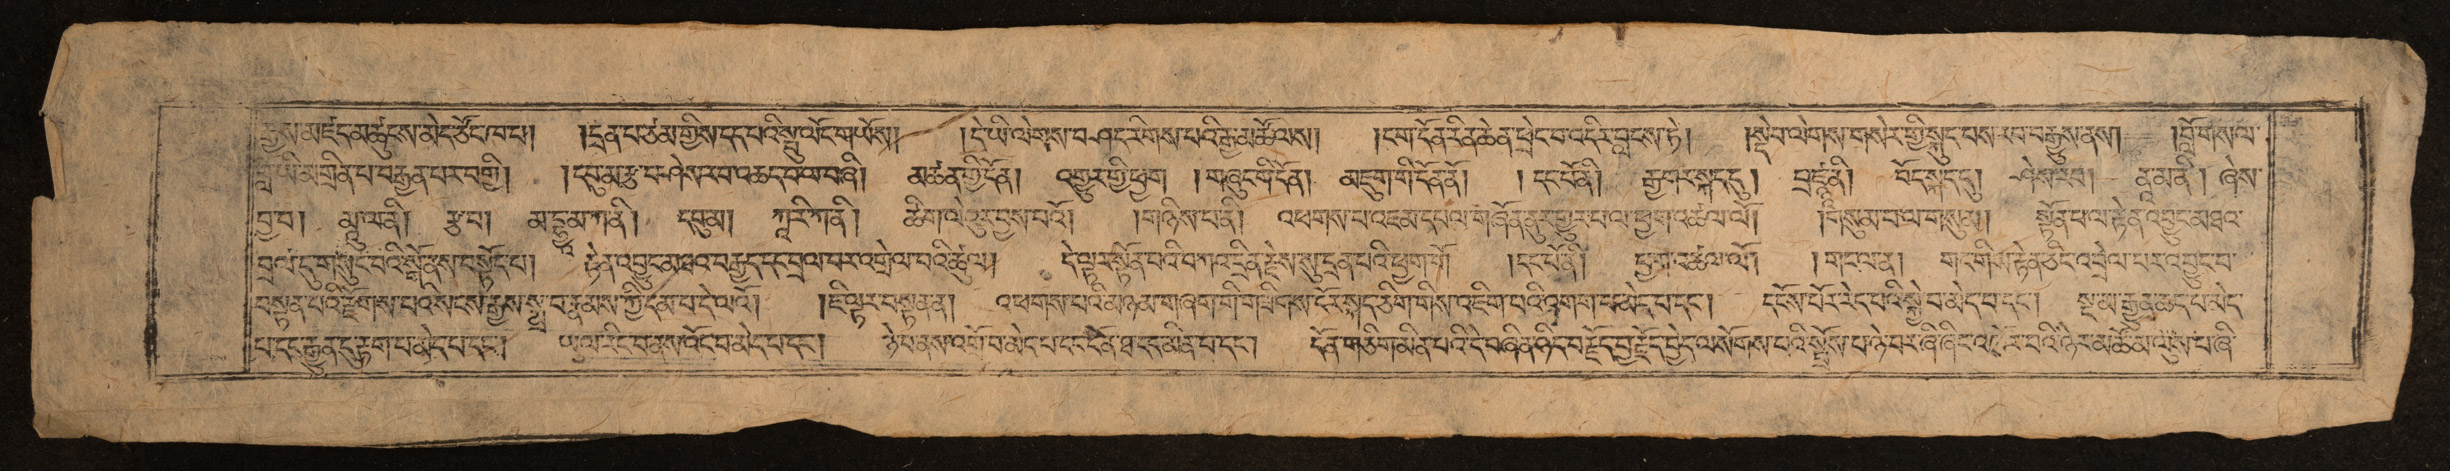རྒྱས་མཛད་མཚུངས་མེད་ཙོང་ཁ་པ། །དྲན་པ་ཙམ་གྱིས་དད་པའི་སྤུ་ལོང་གཡོས། །དེ་ཡི་ལེགས་བཤད་རིགས་པའི་རྒྱ་མཚོ་ལས། །ངག་དོན་རིན་ཆེན་ཕྲེང་བ་འདིར་བླངས་ཏེ། །སྡེབ་ལེགས་གསེར་གྱི་སྐུད་པས་རབ་བརྒྱུས་ནས། །བློ་གསལ་
བློ་ཡི་མགྲིན་པ་བརྒྱན་པར་བགྱི། །དབུ་མ་རྩ་པ་ཤེས་རབ་འཆད་པ་ལ་བཞི། །མཚན་གྱི་དོན། འགྱུར་གྱི་ཕྱག །གཞུང་གི་དོན། མཇུག་གི་དོན་ནོ། །དང་པོ་ནི། རྒྱ་གར་སྐད་དུ། །པྲཛྙཱ་ནི། བོད་སྐད་དུ། ཤེས་རབ། ནཱ་མ་ནི། ཞེས་
བྱ་བ། མཱུ་ལ་ནི། རྩ་བ། མ་དྷྱཱ་མ་ཀ་ནི། དབུ་མ། ཀཱ་རི་ཀ་ནི། ཚིག་ལེའུར་བྱས་པའོ། །གཉིས་པ་ནི། འཕགས་པ་འཇམ་དཔལ་གཞོན་ནུར་གྱུར་པ་ལ་ཕྱག་འཚལ་ལོ། །གསུམ་པ་ལ་གསུམ། སྟོན་པ་ལ་རྟེན་འབྱུང་མཐའ་
བྲལ་དུ་གསུང་བའི་སྒོ་ནས་བསྟོད་པ། རྟེན་འབྱུང་མཐའ་བརྒྱད་དང་བྲལ་བར་འགྲེལ་བའི་ཚུལ། དེ་ལྟར་སྟོན་པའི་བཀའ་དྲིན་རྗེས་སུ་དྲན་པའི་ཕྱག་གོ །དང་པོ་ནི། ཕྱག་འཚལ་ལོ། །གང་ལ་ན། གང་གིས་རྟེན་ཅིང་འབྲེལ་བར་འབྱུང་བ་
བསྟན་པའི་རྫོགས་པའི་སངས་རྒྱས་སྨྲ་བ་རྣམས་ཀྱི་དམ་པ་དེ་ལའོ། །ཇི་ལྟར་བསྟན་ན། འཕགས་པའི་མཉམ་གཞག་གི་གཟིགས་ངོར་སྐད་ཅིག་གིས་འཇིག་པའི་འགག་པ་མེད་པ་དང་། དངོས་པོར་རེད་པའི་སྐྱེ་བ་མེད་པ་དང་། སྔ་མ་རྒྱུན་ཆད་པ་མེད་
པ་དང་རྒྱུན་དུ་རྟག་པ་མེད་པ་དང་། ཡུལ་རིང་བ་ནས་འོང་བ་མེད་པ་དང་། ཉེ་བ་ནས་འགྲོ་བ་མེད་པ་དང་དོན་ཐ་དད་མིན་པ་དང་། དོན་གཅིག་མིན་པའི་དེ་བཞིན་ཉིད་བརྗོད་བྱ་རྗོང་བྱེད་ལ་སོགས་པའི་སྤྲོས་པ་ཉེ་བར་ཞི་ཞིང་འཁོར་བའི་ཉེར་མཚོ་མ་ལུས་པ་ཞི་